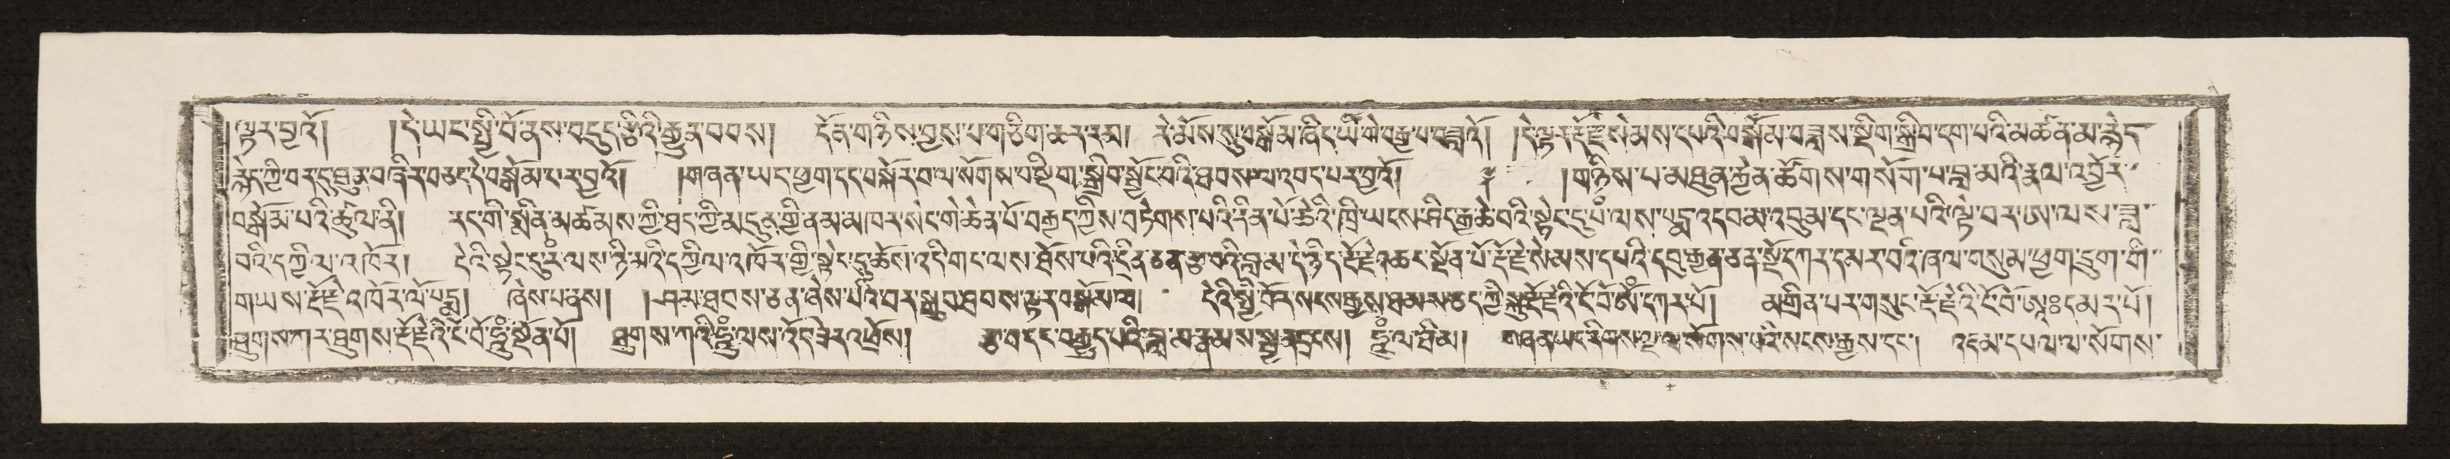རྟོགས་ལྟར་བྱའོ། །དེ་ཡང་སྤྱི་བོ་ནས་བདུད་རྩིའི་རྒྱུན་བབས། དོན་གཉིས་བྱས་པ་གཅིག་ཆར་རམ། རེ་མོས་སུ་བསྒོམ་ཞིང་ཡི་གེ་བརྒྱ་བ་བཟླའོ། །དེ་ལྟར་རྡོ་རྗེ་སེམས་དཔའི་བསྒོམ་བཟླས་སྡིག་སྒྲིབ་དག་པའི་མཚན་མ་རྙེད་
རྙེད་ཀྱི་བར་དུ་ཐུན་བཞིར་བཅད་དེ་བསྒོམ་པར་བྱའོ། །གཞན་ཡང་ཕྱག་དང་བསྐོར་བ་ལ་སོགས་པ་སྡིག་སྒྲིབ་སྦྱོང་བའི་ཐབས་ལ་འབད་པར་བྱའོ། ༈ །གཉིས་པ་མཐུན་རྐྱེན་ཚོགས་གསོག་པ་བླ་མའི་རྣལ་འབྱོར་
བསྒོམ་པའི་ཚུལ་ནི། རང་གི་སྨིན་མཚམས་ཀྱི་ཐད་ཀྱི་མདུན་གྱི་ནམ་མཁར་སེང་གེ་ཆེན་པོ་བརྒྱད་ཀྱིས་བཏེགས་པའི་རིན་པོ་ཆེའི་ཁྲི་ཡངས་ཤིང་རྒྱ་ཆེ་བའི་སྟེང་དུ་བཾ་ལས་པདམ་འདབ་མ་འབུམ་དང་ལྡན་པའི་ལྟེ་བར་ཨ་ལས་ཟླ་
བའི་དཀྱིལ་འཁོར། དེའི་སྟེང་དུ་རཾ་ལས་ཉི་མའི་དཀྱིལ་འཁོར་གྱི་སྟེང་དུ་ཆོས་འདི་གང་ལས་ཐོས་པའི་དྲིན་ཅན་རྩ་བའི་བླ་མ་དེ་ཉིད་རྡོ་རྗེ་འཆང་སྔོན་པོ་རྡོ་རྗེ་སེམས་དཔའི་དབུ་རྒྱན་ཅན་སྔོ་དཀར་དམར་བའི་ཞལ་གསུམ་ཕྱག་དྲུག་
གི་གཡས་རྡོ་རྗེ་འཁོར་ལོ་པདམ། ཞེས་པ་ནས། ཤམ་ཐབས་ཅན་ཞེས་པའི་བར་སྒྲུབ་ཐབས་ལྟར་བསྒོམ་ལ། དེའི་སྤྱི་བོར་སངས་རྒྱས་ཐམས་ཅད་ཀྱི་སྐུ་རྡོ་རྗེའི་ངོ་བོ་ཨོཾ་དཀར་པོ། མགྲིན་པར་གསུང་རྡོ་རྗེའི་ངོ་བོ་ཨཱཿ དམར་པོ།
ཐུགས་ཀར་ཐུགས་རྡོ་རྗེའི་ངོ་བོ་ཧཱུཾ་སྔོན་པོ། ཐུགས་ཀའི་ཧཱུཾ་ལས་འོད་ཟེར་འཕྲོས། རྩ་བ་དང་བརྒྱུད་པའི་བླ་མ་རྣམས་སྤྱན་དྲངས། ཧཱུཾ་ལ་ཐིམ། གཞན་ཡང་རིགས་ལྔ་ལ་སོགས་པའི་སངས་རྒྱས་དང་། འཇམ་དཔལ་ལ་སོགས་